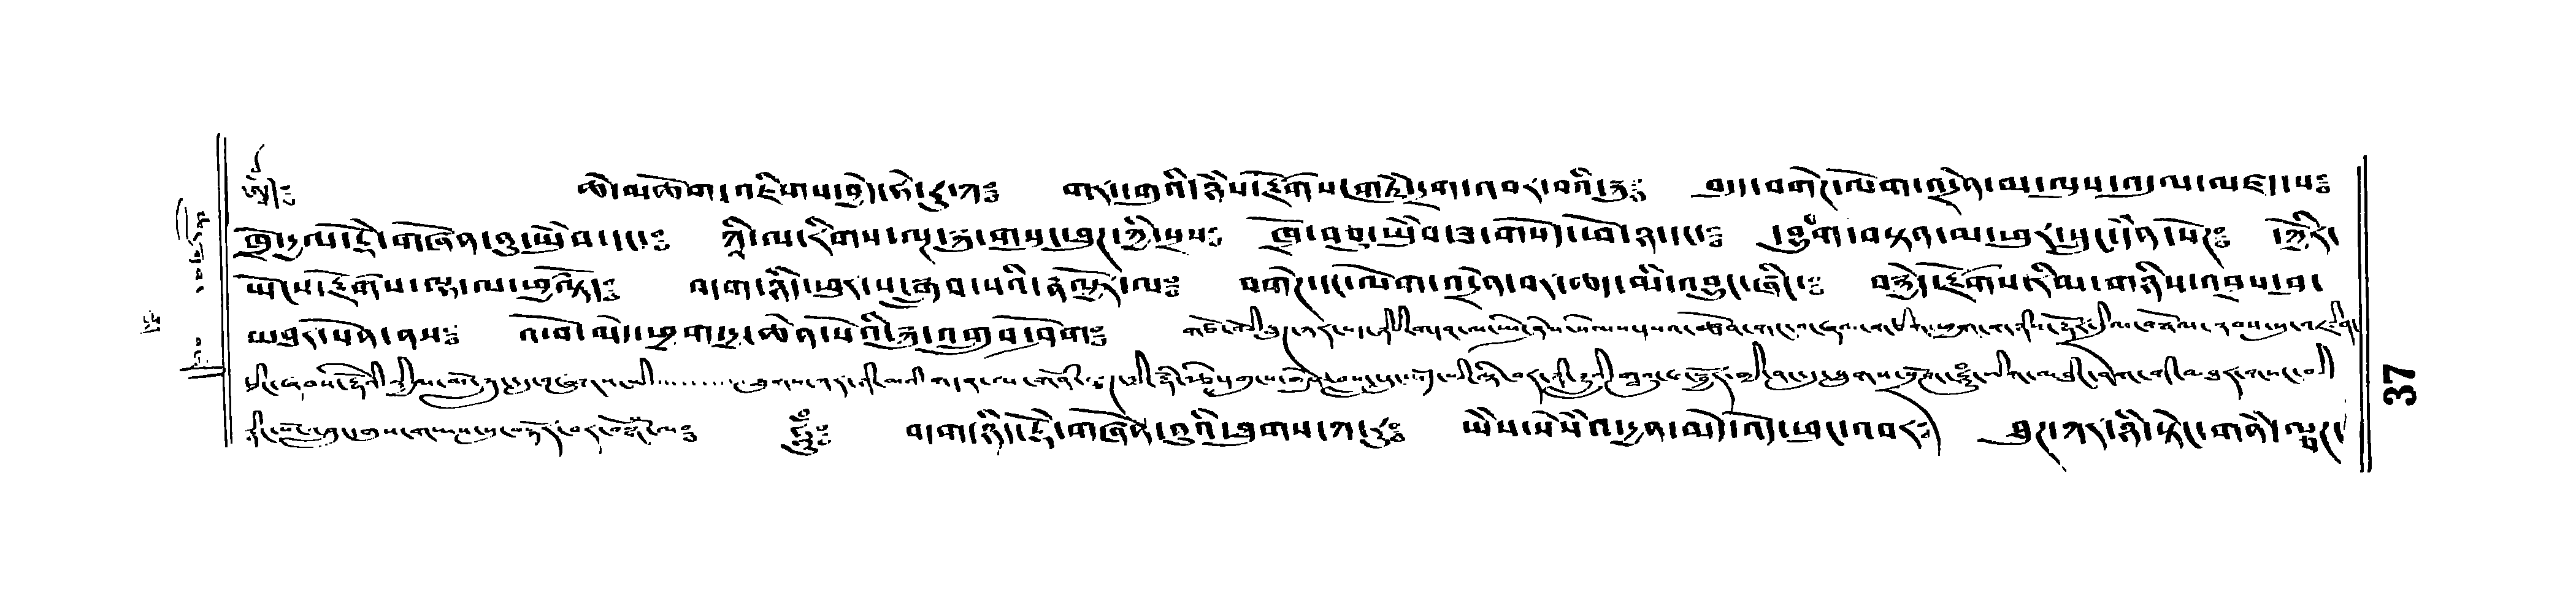ཆེ་མཆོག་འཇིགས་བྱེད་ཧེ་རུ་ཀ༔ གར་དགུའི་ཉམས་རྫོགས་གཏུམ་དྲག་འབར་བའི་སྐུ༔ བདུད་བགེགས་ལོག་འདྲེན་མ་ལུས་འདུལ་མཛད་པ༔ 
རྒྱལ་རྡོ་རྗེ་གཞོན་ནུ་ཡབ་ཡུམ་དང༔ ཀཱི་ལ་རིགས་ལྔ་སྐུ་གསུང་ཐུགས་ཀྱི་སྲས༔ ཁྲོ་བཅུ་ཡབ་ཡུམ་ཟ་གསོད་ཕོ་ཉ་དང༔ དབང་ཕྱུག་བསྟན་མ་ཕུར་སྲུང་དམ་ཅན་སོགས༔ དཀྱིལ་འཁོར་
ཡོངས་རྫོགས་ལྷ་ལ་ཕྱག་འཚལ་བསྟོད༔ བདག་ཉིད་ཕུར་པ་སྒྲུབ་པའི་རྣལ་འབྱོར་ལ༔ བགེགས་དང་ལོག་འདྲེན་བར་ཆད་མི་འབྱུང་ཞིང༔ བསྐྱེད་རྫོགས་རིམ་གཉིས་འབྲས་བུ་
མཐར་སོན་ནས༔ འཕོ་མེད་ཕྱག་རྒྱ་ཆེན་པོའི་སྐུ་འགྲུབ་ཤོག༔ གཙོ་བོའི་ཐུགས་ཀར་པད་ཉིའི་གདན་ལ་ཡེ་ཤེས་སེམས་དཔའ་ཆོན་གང་བ་ཞལ་གཅིག་ཕྱག་གཉིས་རྡོར་དྲིལ་བསྣོལ་སྟབས་སུ་འཛིན་
ཅིང་ཞབས་རྡོ་རྗེའི་སྐྱིལ་མོ་ཀྲུང་དུ་བཞུགས་ཡི་ཐུགས་ཀར་ཉི་མའི་གདན་ལ་གནམ་ལྕགས་ཀྱི་རྡོ་རྗེ་རྩེ་དགུ་པ་གྱེན་བསླང་དུ་ཁོད་པའི་ལྟེ་བར་ཉི་ཟླའི་གཱའུ་ཁ་སྦྱོར་གྱི་ནང་དུ་ཐུགས་སྲོག་ཧཱུྃ་ཡིག་མཐིང་ནག་གི་མཐར་གསང་བའི་
སྙིང་པོ་འབྲུ་དགུས་གཡས་སུ་བསྐོར་བར་བསྒོམ་ལ༔ ཧཱུྃ༔ བདག་ཉིད་རྡོ་རྗེ་གཞོན་ནུའི་ཐུགས་ཀ་རུ༔ ཡེ་ཤེས་སེམས་དཔའ་རྒྱན་མེད་འོད་ཕུང་འབར༔ ཐུགས་ཀར་ཉི་སྟེང་གནམ་ལྕགས་